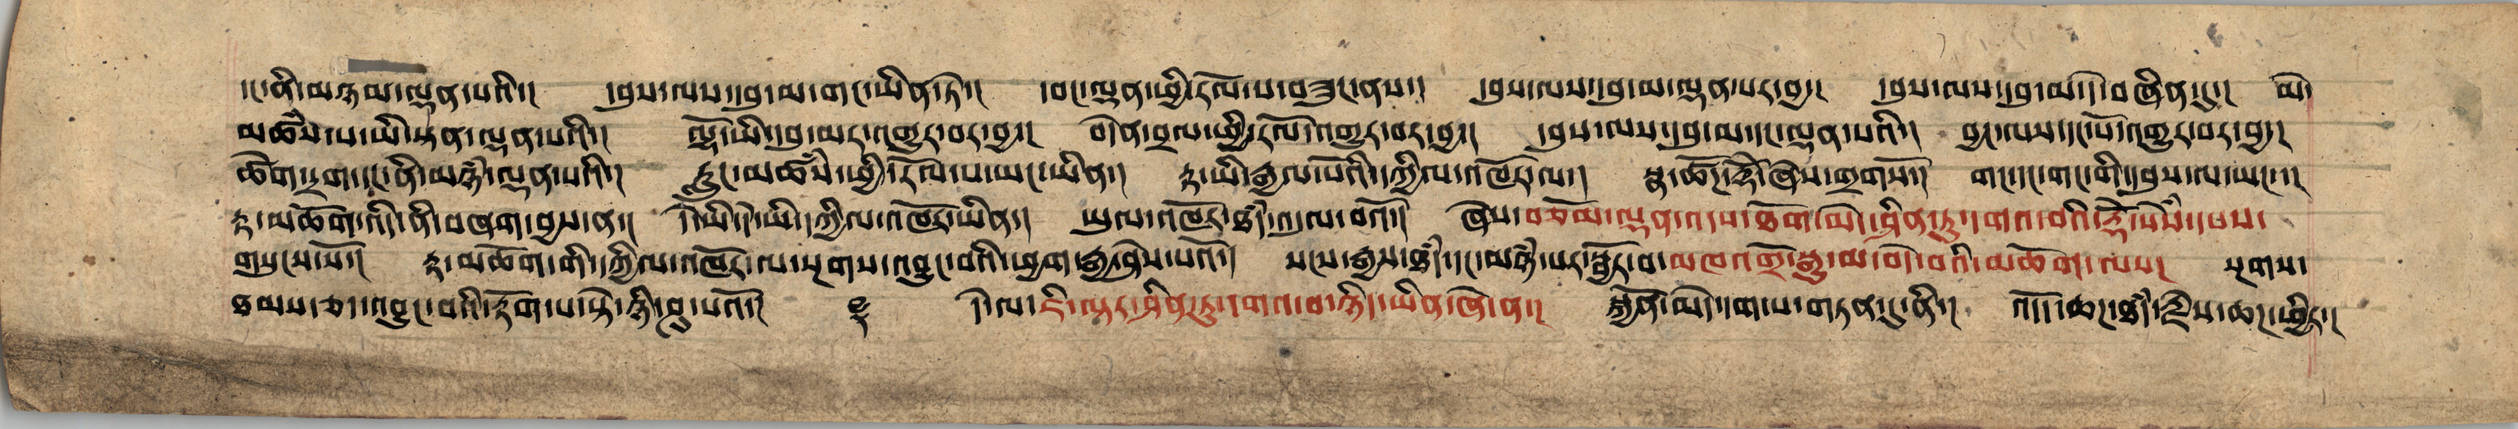དང་ནི་མཉམ་ལྡན་པའི་། དབུས་ལས་དབུ་མ་གང་ཡིན་ཏེ་། དབང་ལྡན་ཕྱི་རོལ་པ་བཟུང་ནས་། དབུས་ལས་དབུ་མ་ལྡན་པར་བྱ་། དབུས་ལས་དབུ་མ་དེ་བཞིན་དུ་། མེ་
མཚཾས་པ་ཡི་སྟན་ལྡན་པའི་། ལྷོ་ཡི་དབུ་མར་འགྱུར་བར་བྱ་། བདེན་བྲལ་ཕྱི་རོལ་འགྱུར་བར་བྱ་། དབུས་ལས་དབུ་མ་དང་ལྡན་པའི་། བྱང་ལས་དང་པོ་འགྱུར་བར་བྱ་།
ཚེག་དྲག་དང་ནི་མཉཾ་ལྡན་པའི་། རླུང་མཚཾས་ཕྱི་རོལ་པ་ཡང་ཡིན་། རྟ་ཡི་རྒྱལ་པོའི་དཀྱིལ་འཁོར་ལ་། སྣ་ཚོཌ་རྡོེ་ཞེས་གྲགསོ་། གང་དང་གང་གི་དབུས་ལ་ཡང་་།
རྟ་མཆོག་འདི་ནི་བཞག་བྱས་ན་། དེ་ཡི་དེ་ཡི་དཀྱིལ་འཁོར་ཡིན་། ཡུལ་འཁོར་ཐདཾ་འདུལ་བའོ་། ཞེས་བཅོམ་ལྡན་འདས་ཐོག་མེད་ཤིན་ཏུ་དགའ་བའི་རྡོེ་སེཾས་དཔས་
གསུངས་སོ་། རྟ་མཆོག་གི་དཀྱིལ་འཁོར་ལ་སྔགས་འབྱུང་བའི་ཕྱག་རྒྱ་ཤེས་པའོ་། སངས་རྒྱས་ཐདཾ་དང་མཉཾ་པར་སྦྱོར་བ་མཁའ་འགྲོ་སྒྱུ་མ་བདེ་བའི་མཆོག་ལས་། སྔགས་
ཐམས་ཅད་འབྱུང་བའི་རྟོག་པ་སྟེ་ཉི་ཤུ་པའོ་། ࿑ དེ་ལ་ཇི་ལྟར་ཤིན་ཏུ་དགའ་བ་ཉིད་ཡིན་ཞེ་ན་། སྐྱོན་མེད་དག་པ་གཏན་དུ་ནི་། འདོད་ཆཌ་རྗེས་ཆཌ་ཕྱིར་